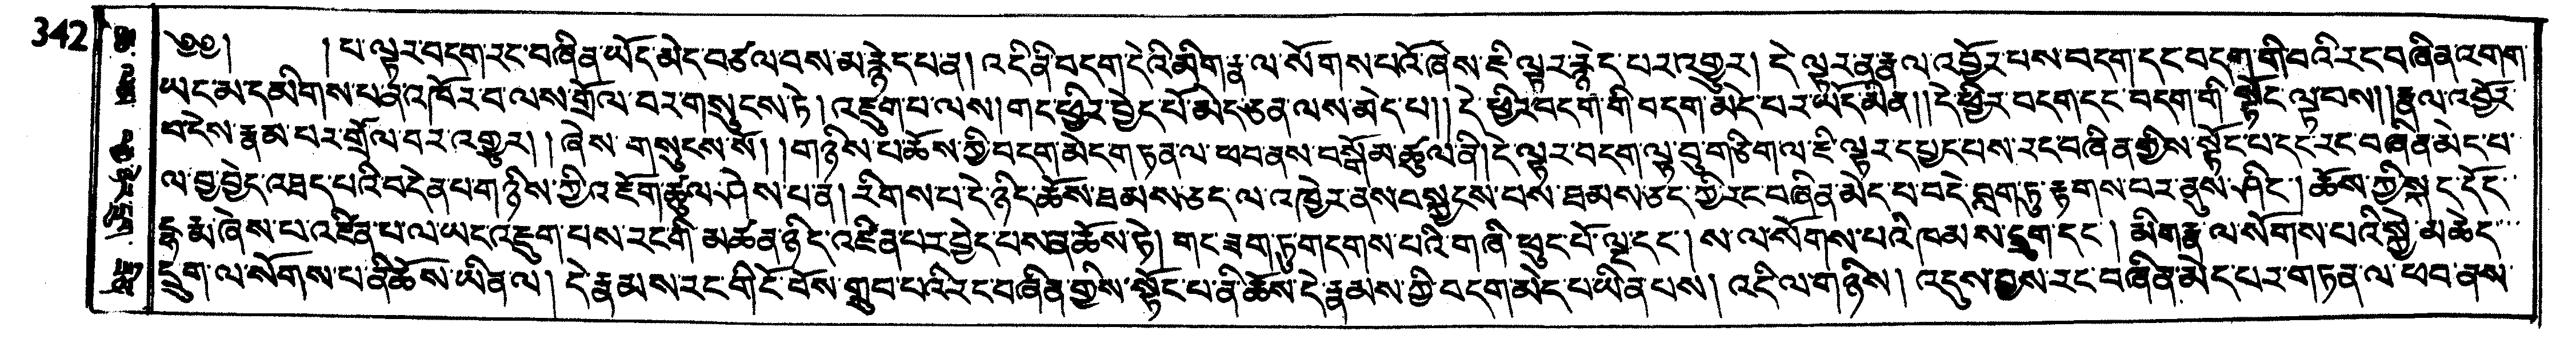༄༅། །པ་ལྟར་བདག་རང་བཞིན་ཡོད་མེད་བཙལ་བས་མ་རྙེད་པ་ན། འདི་ནི་བདག་དེའི་མིག་རྣ་ལ་སྒོས་པའོ་ཞེས་ཇི་ལྟར་རྙེད་པར་འགྱུར། དེ་ལྟར་ན་རྣལ་འབྱོར་པས་བདག་དང་བདག་གི་བའི་རང་བཞིན་འགག་
ཡང་མ་དམིགས་པ་ན་འཁོར་བ་ལས་གྲོལ་བར་གསུངས་ཏེ། འཇུག་པ་ལས། གང་ཕྱིར་བྱེད་པོ་མེད་ཅན་ལས་མེད་པ། །དེ་ཕྱིར་བདག་གི་བདག་མེད་པར་ཡོད་མིན། །དེ་ཕྱིར་བདག་དང་བདག་གི་སྟོང་ལྟ་བས། །རྣལ་འབྱོར་
བ་དེས་རྣམ་པར་གྲོལ་བར་འགྱུར། །ཞེས་གསུངས་སོ། །གཉིས་པ་ཆོས་ཀྱི་བདག་མེད་གཏན་ལ་ཕབ་ནས་བསྒོམ་ཚུལ་ནི། དེ་ལྟར་བདག་ལྟ་བུ་གཅིག་ལ་ཇི་ལྟར་དཔྱད་པས་རང་བཞིན་གྱིས་སྟོང་པ་དང་རང་བཞིན་མེད་པ་
ལ་བྱ་བྱེད་འཐད་པའི་བདེན་པ་གཉིས་ཀྱི་འཇོག་ཚུལ་ཤེས་པ་ན། རིགས་པ་དེ་ཉིད་ཆོས་ཐམས་ཅད་ལ་འཁྱེར་ནས་བསྐྱངས་པས་ཐམས་ཅད་ཀྱི་རང་བཞིན་མེད་པ་བདེ་བླག་ཏུ་རྟགས་པར་ནུས་ཤིང་། ཆོས་ཀྱི་སྐད་དོད་
དྷ་རྨ་ཞེས་པ་འཛིན་པ་ལ་ཡང་འཇུག་པས་རང་གི་མཚན་ཉིད་འཛིན་པར་བྱེད་པས་ན་ཆོས་ཏེ། གང་ཟག་ཏུ་གདགས་པའི་གཞི་ཕུང་པོ་ལྔ་དང་། ས་ལ་སོགས་པའི་ཁམས་དྲུག་དང་། མིག་རྣ་ལ་སོགས་པའི་སྐྱེ་མཆེད་
དྲུག་ལ་སོགས་པ་ནི་ཆོས་ཡིན་ལ། དེ་རྣམས་རང་གི་ངོ་བོས་གྲུབ་པའི་རང་བཞིན་གྱིས་སྟོང་པ་ནི་ཆོས་དེ་རྣམས་ཀྱི་བདག་མེད་པ་ཡིན་པས། འདི་ལ་གཉིས། འདུས་བྱས་རང་བཞིན་མེད་པར་གཏན་ལ་ཕབ་ནས་